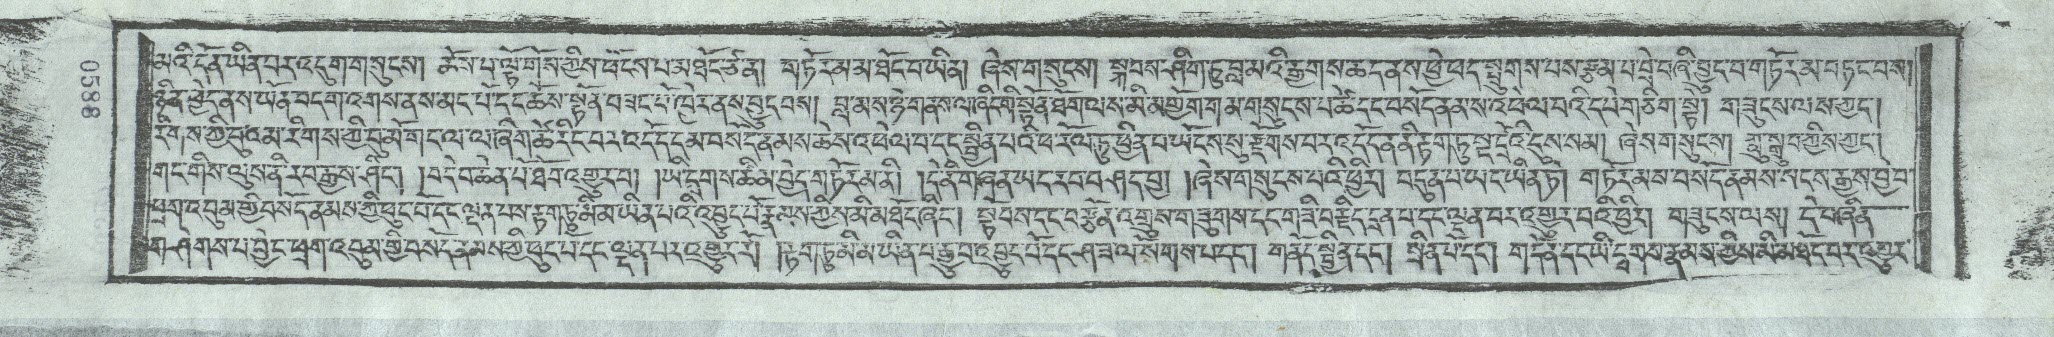མའི་དོན་ཡིན་པར་འདུག་གསུངས། ཆོས་པ་ལྟོ་གོས་ཀྱིས་ཕོངས་པ་མཐོང་ཙན། གཏོར་མ་མཐོང་པ་ཡིན། ཞེས་གསུངས། སྐབས་ཤིག་ཏུ་བླ་མའི་རྒྱགས་ཆད་ནས་ཕྱེ་ཕད་སྤྲུགས་པས་རྩམ་པ་བྲེ་བཞི་བྱུང་བ་གཏོར་མ་བཏང་བས།
ཉིན་ཕྱེད་ནས་ཡོན་བདག་འགས་ནས་མང་པོ་དང་ཆོས་སྟོན་བཟང་པོ་ཁྱེར་ནས་བྱུང་བས། བླ་མས་ཉེ་གནས་ལ་ཞིང་གི་སྟོན་ཐོག་ལས་མི་མགྱོག་གམ་གསུངས་པ་ཚེ་དང་བསོད་ནམས་འཕེལ་བའི་དཔེ་གཅིག་སྟེ། གཟུངས་ལས་ཀྱང་།
རིགས་ཀྱི་བུའམ་རིགས་ཀྱི་བུ་མོ་གང་ལ་ལ་ཞིག་ཚེ་རིང་བར་འདོད་དམ་བསོད་ནམས་ཆེས་འཕེལ་བ་དང་སྦྱིན་པའི་ཕ་རོལ་ཏུ་ཕྱིན་པ་ཡོངས་སུ་རྫོགས་པར་འདོད་ན་ནི་རྟག་ཏུ་སྔ་དྲོའི་དུས་སམ། ཞེས་གསུངས། ཀླུ་སྒྲུབ་ཀྱིས་ཀྱང་།
གང་གིས་ལུས་ནི་རབ་རྒྱས་ཤིང་། །བདེ་པ་ཆེན་པོ་ཐོབ་འགྱུར་བ། །ཡི་དྲགས་ཚིམ་བྱེད་གཏོར་མ་ནི། །དེ་ནི་གཞན་ཡང་རབ་བཤད་བྱ། །ཞེས་གསུངས་པའི་ཕྱིར། བདུན་པ་ཡང་ཡིན་ཏེ། གཏོར་མས་བསོད་ནམས་སངས་རྒྱས་བྱེ་བ་
ཕྲག་འབུམ་གྱི་བསོད་ནམས་ཀྱི་ཕུང་པོ་དང་ལྡན་པས་རྟག་ཏུ་མི་མ་ཡིན་པའི་འབྱུང་པོ་རྣམས་ཀྱིས་མི་མཐོང་ཞིང་། སྟོབས་དང་བརྩོན་འགྲུས་གཟུགས་དང་གཟི་བརྗིད་དྲན་པ་དང་ལྡན་བར་འགྱུར་བའི་ཕྱིར། གཟུངས་ལས། དེ་བཞིན་
གཤེགས་པ་བྱེད་ཕྲག་འབུམ་གྱི་བསོད་ནམས་ཀྱི་ཕུང་པོ་དང་ལྡན་པར་འགྱུར་རོ། །རྟག་ཏུ་མི་མ་ཡིན་བརྒྱུ་བ་འབྱུང་པོ་དང་ཤ་ཟལ་སོགས་པ་དང་། གནོད་སྦྱིན་དང་། སྲིན་པོ་དང་། གདོན་དང་ཡི་དྭགས་རྣམས་ཀྱིས་མི་མཐོང་བར་འགྱུར་